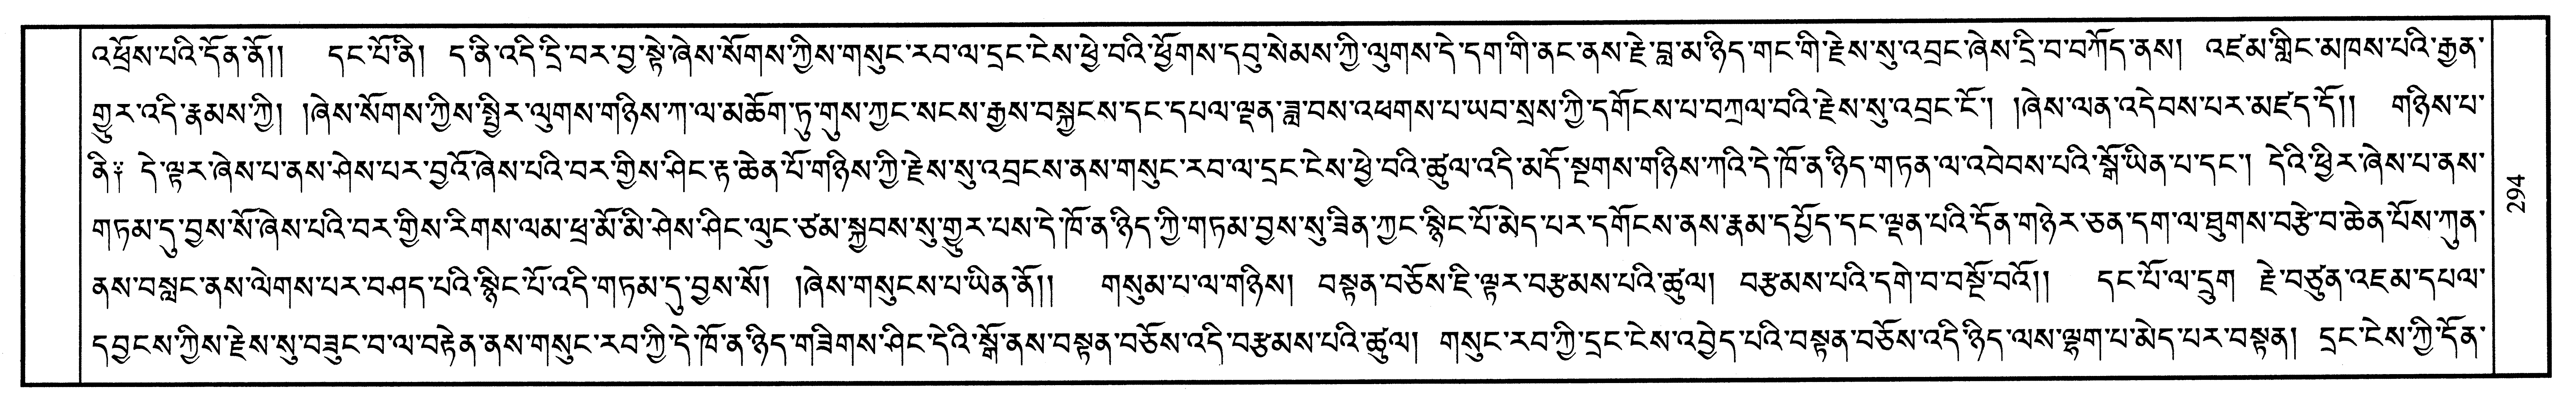འཕྲོས་པའི་དོན་ནོ།། དང་པོ་ནི། ད་ནི་འདི་དྲི་བར་བྱ་སྟེ་ཞེས་སོགས་ཀྱིས་གསུང་རབ་ལ་དྲང་ངེས་ཕྱེ་བའི་ཕྱོགས་དབུ་སེམས་ཀྱི་ལུགས་དེ་དག་གི་ནང་ནས་རྗེ་བླ་མ་ཉིད་གང་གི་རྗེས་སུ་འབྲང་ཞེས་དྲི་བ་བཀོད་ནས། འཛམ་གླིང་མཁས་པའི་རྒྱན་
གྱུར་འདི་རྣམས་ཀྱི། །ཞེས་སོགས་ཀྱིས་སྤྱིར་ལུགས་གཉིས་ཀ་ལ་མཆོག་ཏུ་གུས་ཀྱང་སངས་རྒྱས་བསྐྱངས་དང་དཔལ་ལྡན་ཟླ་བས་འཕགས་པ་ཡབ་སྲས་ཀྱི་དགོངས་པ་བཀྲལ་བའི་རྗེས་སུ་འབྲང་ངོ། །ཞེས་ལན་འདེབས་པར་མཛད་དོ།། གཉིས་པ་
ནི༑ དེ་ལྟར་ཞེས་པ་ནས་ཤེས་པར་བྱའོ་ཞེས་པའི་བར་གྱིས་ཤིང་རྟ་ཆེན་པོ་གཉིས་ཀྱི་རྗེས་སུ་འབྲངས་ནས་གསུང་རབ་ལ་དྲང་ངེས་ཕྱེ་བའི་ཚུལ་འདི་མདོ་སྔགས་གཉིས་ཀའི་དེ་ཁོ་ན་ཉིད་གཏན་ལ་འབེབས་པའི་སྒོ་ཡིན་པ་དང་། དེའི་ཕྱིར་ཞེས་པ་ནས་
གཏམ་དུ་བྱས་སོ་ཞེས་པའི་བར་གྱིས་རིགས་ལམ་ཕྲ་མོ་མི་ཤེས་ཤིང་ལུང་ཙམ་སྐྱབས་སུ་གྱུར་པས་དེ་ཁོ་ན་ཉིད་ཀྱི་གཏམ་བྱས་སུ་ཟིན་ཀྱང་སྙིང་པོ་མེད་པར་དགོངས་ནས་རྣམ་དཔྱོད་དང་ལྡན་པའི་དོན་གཉེར་ཅན་དག་ལ་ཐུགས་བརྩེ་བ་ཆེན་པོས་ཀུན་
ནས་བསླང་ནས་ལེགས་པར་བཤད་པའི་སྙིང་པོ་འདི་གཏམ་དུ་བྱས་སོ། །ཞེས་གསུངས་པ་ཡིན་ནོ།། གསུམ་པ་ལ་གཉིས། བསྟན་བཅོས་ཇི་ལྟར་བརྩམས་པའི་ཚུལ། བརྩམས་པའི་དགེ་བ་བསྔོ་བའོ།། དང་པོ་ལ་དྲུག །རྗེ་བཙུན་འཇམ་དཔལ་
དབྱངས་ཀྱིས་རྗེས་སུ་བཟུང་བ་ལ་བརྟེན་ནས་གསུང་རབ་ཀྱི་དེ་ཁོ་ན་ཉིད་གཟིགས་ཤིང་དེའི་སྒོ་ནས་བསྟན་བཅོས་འདི་བརྩམས་པའི་ཚུལ། གསུང་རབ་ཀྱི་དྲང་ངེས་འབྱེད་པའི་བསྟན་བཅོས་འདི་ཉིད་ལས་ལྷག་པ་མེད་པར་བསྟན། དྲང་ངེས་ཀྱི་དོན་